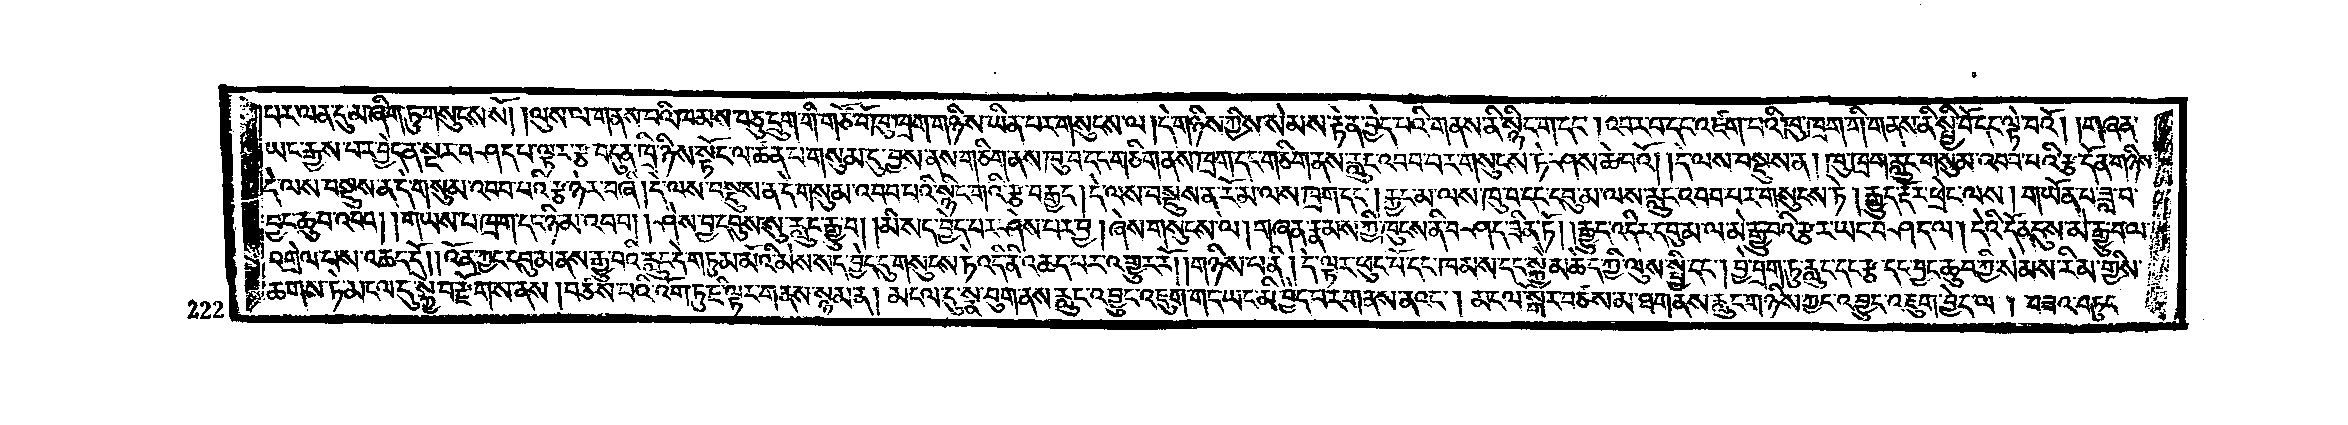པར་ལན་དུ་མ་ཞིག་ཏུ་གསུངས་སོ། །ལུས་ལ་གནས་པའི་ཁམས་བཅུ་དྲུག་གི་གཙོ་བོ་ཁུ་ཁྲག་གཉིས་ཡིན་པར་གསུངས་ལ། དེ་གཉིས་ཀྱིས་སེམས་རྟེན་བྱེད་པའི་གནས་ནི་སྙིང་ག་དང་། འབར་བ་དང་འཛག་པའི་ཁུ་ཁྲག་གི་གནས་ནི་སྤྱི་བོ་དང་ལྟེ་བའོ། །གཞན་
ཡང་རྒྱས་པར་བྱེད་ན་སྔར་བཤད་པ་ལྟར་རྩ་བདུན་ཁྲི་ཉིས་སྟོང་ལ་ཚན་པ་གསུམ་དུ་བྱས་ནས་གཅིག་ནས་ཁུ་བ་དང་གཅིག་ནས་ཁྲག་དང་གཅིག་ནས་རླུང་འབབ་པར་གསུངས་ཏེ་ཤས་ཆེ་བའོ། །དེ་ལས་བསྡུས་ན། ཁུ་ཁྲག་རླུང་གསུམ་འབབ་པའི་རྩ་དོན་གཉིས་
དེ་ལས་བསྡུས་ན་དེ་གསུམ་འབབ་པའི་རྩ་ཉེར་བཞི། དེ་ལས་བསྡུས་ན་དེ་གསུམ་འབབ་པའི་སྙིང་གའི་རྩ་བརྒྱད། དེ་ལས་བསྡུས་ན་རོ་མ་ལས་ཁྲག་དང་། རྐྱང་མ་ལས་ཁུ་བ་དང་དབུ་མ་ལས་རླུང་འབབ་པར་གསུངས་ཏེ། རྒྱུད་རྡོར་ཕྲེང་ལས། གཡོན་པ་ཟླ་བ་
བྱང་ཆུབ་འབབ། །གཡས་པ་ཁྲག་དང་ཉི་མ་འབབ། །ཤེས་བྱ་དབུས་སུ་རླུང་རྒྱུ་བ། །མེ་སད་བྱེད་པར་ཤེས་པར་བྱ། ཞེས་གསུངས་ལ། གཞན་རྣམས་ཀྱི་ཁུངས་ནི་བཤད་ཟིན་ཏོ། །རྒྱུད་འདིར་དབུ་མ་ལ་མེ་རྒྱུ་བའི་རྩར་ཡང་བཤད་ལ། དེའི་དོན་དུས་མེ་རྒྱུ་བ་ལ་
འགྲེལ་པས་འཆད་དོ། །འོན་ཀྱང་དབུ་མ་ནས་རྒྱུ་བའི་རླུང་དེ་གཏུམ་མོའི་མེས་སད་བྱེད་དུ་གསུངས་ཏེ་འདི་ནི་འཆད་པར་འགྱུར་རོ། །གཉིས་པ་ནི། དེ་ལྟར་ཕུང་པོ་དང་ཁམས་དང་སྐྱེ་མཆེད་ཀྱི་ལུས་སྤྱི་དང་། བྱེ་བྲག་ཏུ་རླུང་དང་རྩ་དང་བྱང་ཆུབ་ཀྱི་སེམས་རིམ་གྱིས་
ཆགས་ཏེ་མངལ་དུ་སྐྱེ་བ་རྫོགས་ནས། བཅས་པའི་འོག་ཏུ་ཇི་ལྟར་གནས་སྙམ་ན། མངལ་དུ་སྣ་བུག་ནས་རླུང་འབྱུང་འཇུག་གང་ཡང་མི་བྱེད་པར་གནས་ནའང་། མངལ་སྒོར་བཙས་མ་ཐག་ནས་རླུང་གཉིས་ཀྱང་འབྱུང་འཇུག་བྱེད་ལ། བཟའ་བཏུང་